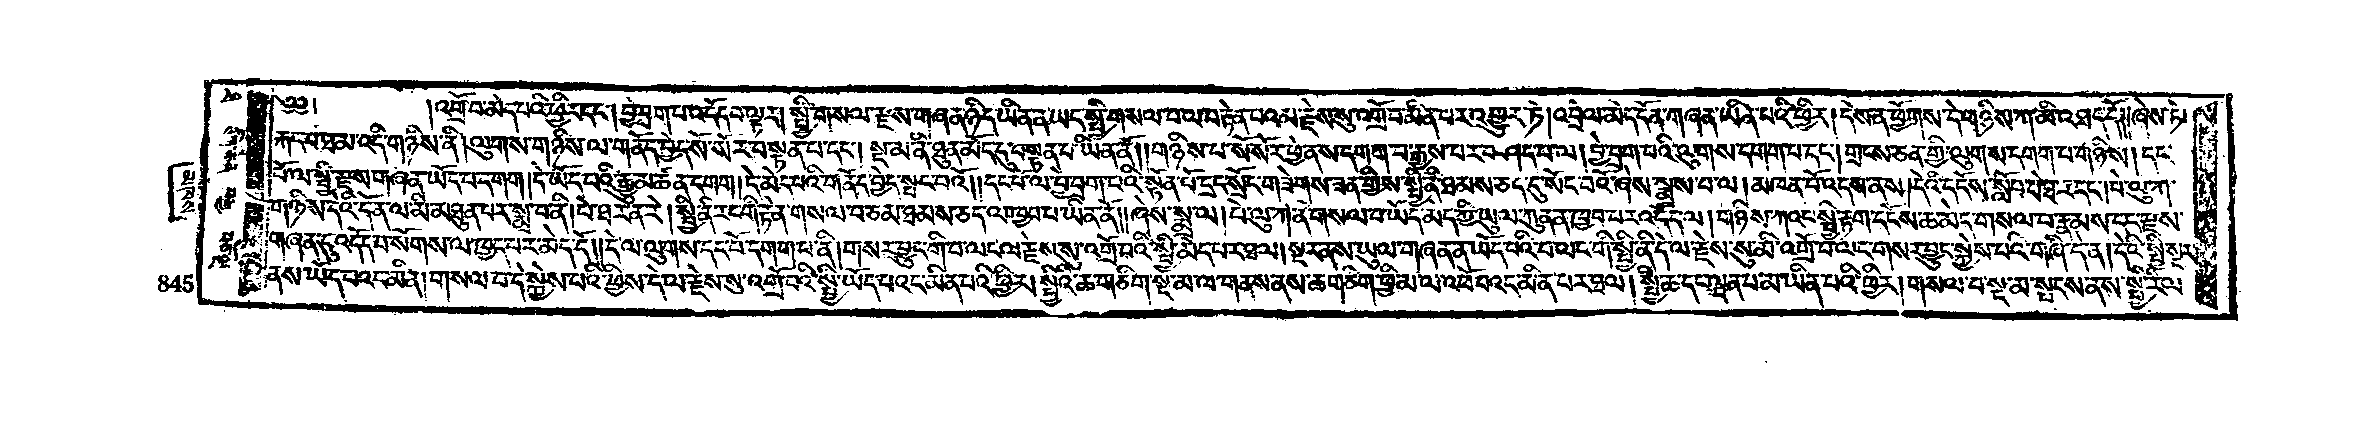༄༅། །འགྲོ་བ་མེད་པའི་ཕྱིར་དང་། བྱེ་བྲག་པ་འདོད་པ་ལྟར། སྤྱི་གསལ་རྫས་གཞན་ཉིད་ཡིན་ན་ཡང་སྤྱི་གསལ་བ་ལ་བརྟེན་པའམ་རྗེས་སུ་འགྲོ་བ་མིན་པར་འགྱུར་ཏེ། འབྲེལ་མེད་དོན་གཞན་ཡིན་པའི་ཕྱིར། དེས་ན་ཕྱོགས་དེ་གཉིས་ཀ་མི་འཐད་དོ། །ཞེས་ཏེ།
རྐང་པ་ཐ་མ་འདི་གཉིས་ནི། ལུགས་གཉིས་ལ་གནོད་བྱེད་སོ་སོར་བསྟན་པ་དང་། སྔ་མ་ནི་ཐུན་མོང་དུ་བསྟན་པ་ཡིན་ནོ། །གཉིས་པ་སོ་སོར་ཕྱེ་ནས་དགག་པ་རྒྱས་པར་བཤད་པ་ལ། བྱེ་བྲག་པའི་ལུགས་དགག་པ་དང་། གྲངས་ཅན་གྱི་ལུགས་དགག་པ་གཉིས། དང་
པོ་ལ་སྤྱི་རྫས་གཞན་ཡོད་པ་དགག །དེ་ཡོད་པའི་རྒྱུ་མཚན་དགག །དེ་མེད་པའི་གནོད་བྱེད་སྤང་བའོ། །དང་པོ་ལ་བྱེ་བྲག་པའི་སྟོན་པོ་དྲང་སྲོང་གཟེགས་ཟན་གྱིས་སྤྱི་ནི་ཐམས་ཅད་དུ་སོང་བའོ་ཞེས་སྨྲས་པ་ལ། མཁན་པོ་འདས་ནས། དེའི་དངོས་སློབ་པེ་ཐར་དང་། པེ་ལུ་ཀ་
གཉིས་དེའི་དོན་ལ་མི་མཐུན་པར་སྨྲ་བ་ནི། པེ་ཐར་ན་རེ། སྤྱི་ནི་རང་གི་རྟེན་གསལ་བ་ཙམ་ཐམས་ཅད་ལ་ཁྱབ་པ་ཡིན་ནོ། །ཞེས་སྨྲ་ལ། པེ་ལུ་ཀེ་ནི་གསལ་བ་ཡོད་མེད་ཀྱི་ཡུལ་ཀུན་ན་ཁྱབ་པར་འདོད་ལ། གཉིས་ཀའང་སྤྱི་རྟག་དངོས་ཆ་མེད་གསལ་བ་རྣམས་དང་རྫས་
གཞན་དུ་འདོད་པ་སོགས་ལ་ཁྱད་པར་མེད་དོ། །དེ་ལ་ལུགས་དང་པོ་དགག་པ་ནི། གསར་བྱུང་གི་བ་ལང་ལ་རྗེས་སུ་འགྲོ་བའི་སྤྱི་མེད་པར་ཐལ། སྔར་ནས་ཡུལ་གཞན་ན་ཡོད་པའི་བ་ལང་གི་སྤྱི་ནི་དེ་ལ་རྗེས་སུ་མི་འགྲོ་བ་ལང་གསར་བྱུང་སྐྱེས་པའི་གཞི་དེ་ན། དེའི་སྤྱི་སྔར་
ནས་ཡོད་པའང་མིན། གསལ་བ་དེ་སྐྱེས་པའི་ཕྱིས་དེ་ལ་རྗེས་སུ་འགྲོ་བའི་སྤྱི་ཡོད་པའང་མིན་པའི་ཕྱིར། སྤྱིའི་ཆ་གཅིག་སྔ་མ་ལ་གནས་ནས་ཆ་གཅིག་ཕྱི་མ་ལ་འཕོ་བའང་མིན་པར་ཐལ། སྤྱི་ཆ་དང་ལྡན་པ་མ་ཡིན་པའི་ཕྱིར། གསལ་བ་སྔ་མ་སྤངས་ནས་སྤྱི་རིལ་